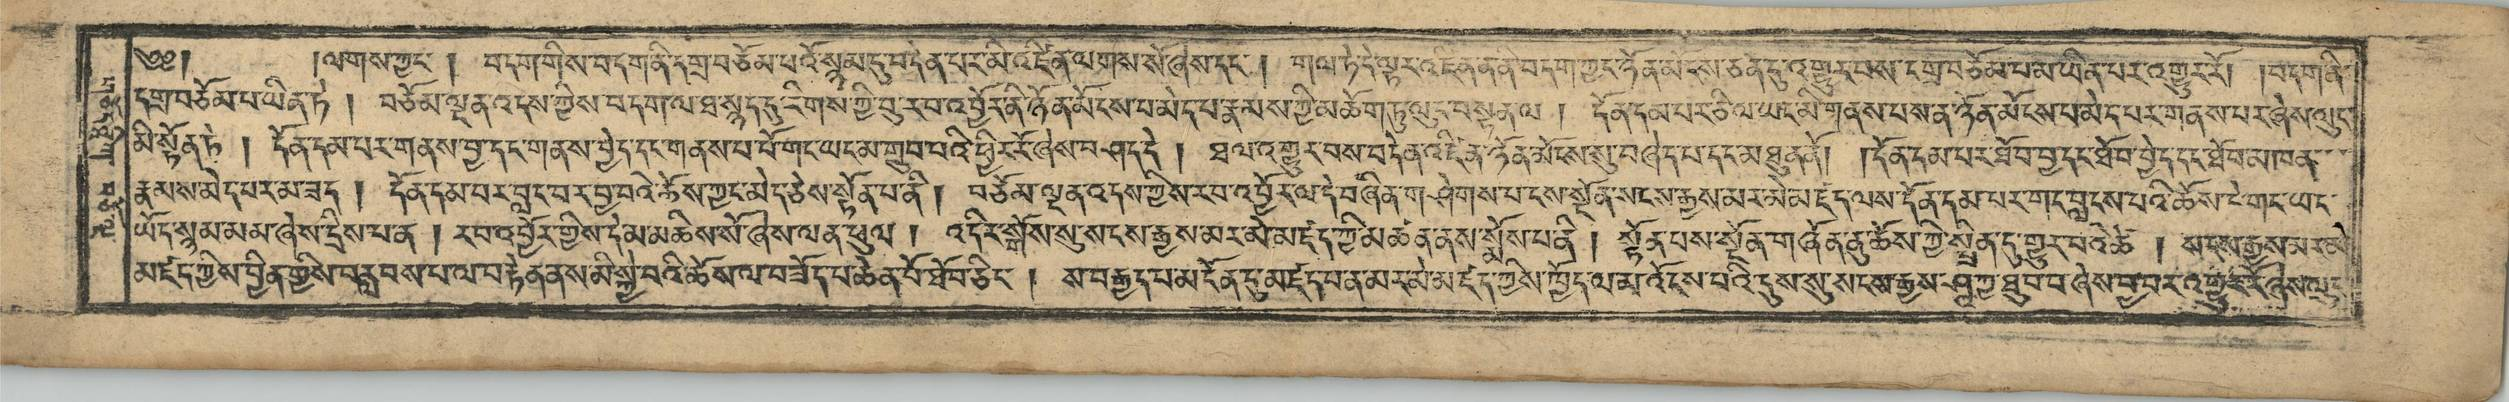༄༅། །ལགས་ཀྱང་། བདག་གིས་བདག་ནི་དགྲ་བཅོམ་པའོ་སྙམ་དུ་བདེན་པར་མི་འཛིན་ལགས་སོ་ཞེས་དང་། གལ་ཏེ་དེ་ལྟར་འཛིན་ན་ནི་བདག་ཀྱང་ཉོན་མོངས་ཅན་དུ་འགྱུར་བས་དགྲ་བཅོམ་པ་མ་ཡིན་པར་འགྱུར་རོ། །བདག་ནི་
དགྲ་བཅོམ་པ་ཡིན་ཏེ། བཅོམ་ལྡན་འདས་ཀྱིས་བདག་ལ་ཐ་སྙད་དུ་རིགས་ཀྱི་བུ་རབ་འབྱོར་ནི་ཉོན་མོངས་པ་མེད་པ་རྣམས་ཀྱི་མཆོག་ཏུ་ལུང་བསྟན་ལ། དོན་དམ་པར་ཅི་ལ་ཡང་མི་གནས་པས་ན་ཉོན་མོངས་པ་མེད་པར་གནས་པར་ཞེས་ལུང་
མི་སྟོན་ཏེ། དོན་དམ་པར་གནས་བྱ་དང་གནས་བྱེད་དང་གནས་པ་པོ་གང་ཡང་མ་གྲུབ་པའི་ཕྱིར་རོ་ཞེས་བཤད་དེ། ཐལ་འགྱུར་བས་བདེན་འཛིན་ཉོན་མོངས་སུ་བཞེད་པ་དང་མཐུན་ནོ། །དོན་དམ་པར་ཐོབ་བྱ་དང་ཐོབ་བྱེད་དང་ཐོབ་མཁན་
རྣམས་མེད་པར་མ་ཟད། དོན་དམ་པར་བླང་བར་བྱ་བའི་ཆོས་ཀྱང་མེད་ཅེས་སྟོན་པ་ནི། བཅོམ་ལྡན་འདས་ཀྱིས་རབ་འབྱོར་ལ་དེ་བཞིན་གཤེགས་པ་ངས་སྔོན་སངས་རྒྱས་མར་མེ་མཛད་ལས་དོན་དམ་པར་གང་བླངས་པའི་ཆོས་དེ་གང་ཡང་
ཡོད་སྙམ་མམ་ཞེས་དྲིས་པ་ན། རབ་འབྱོར་གྱིས་དེ་མ་མཆིས་སོ་ཞེས་ལན་ཕུལ། འདིར་སྒོས་སུ་སངས་རྒྱས་མར་མེ་མཛད་ཀྱི་མཚན་ནས་སྨོས་པ་ནི། སྟོན་པས་སྔོན་གཞོན་ནུ་ཆོས་ཀྱི་སྤྲིན་དུ་གྱུར་པའི་ཚེ། སངས་རྒྱས་མར་མེ་
མཛད་ཀྱིས་བྱིན་གྱིས་བརླབས་པ་ལ་བརྟེན་ནས་མི་སྐྱེ་བའི་ཆོས་ལ་བཟོད་པ་ཆེན་པོ་ཐོབ་ཅིང་། ས་བརྒྱད་པ་མངོན་དུ་མཛད་པ་ན་མར་མེ་མཛད་ཀྱིས་ཁྱོད་ལ་མ་འོངས་པའི་དུས་སུ་སངས་རྒྱས་ཤཱཀྱ་ཐུབ་པ་ཞེས་བྱ་བར་འགྱུར་རོ་ཞེས་ལུང་